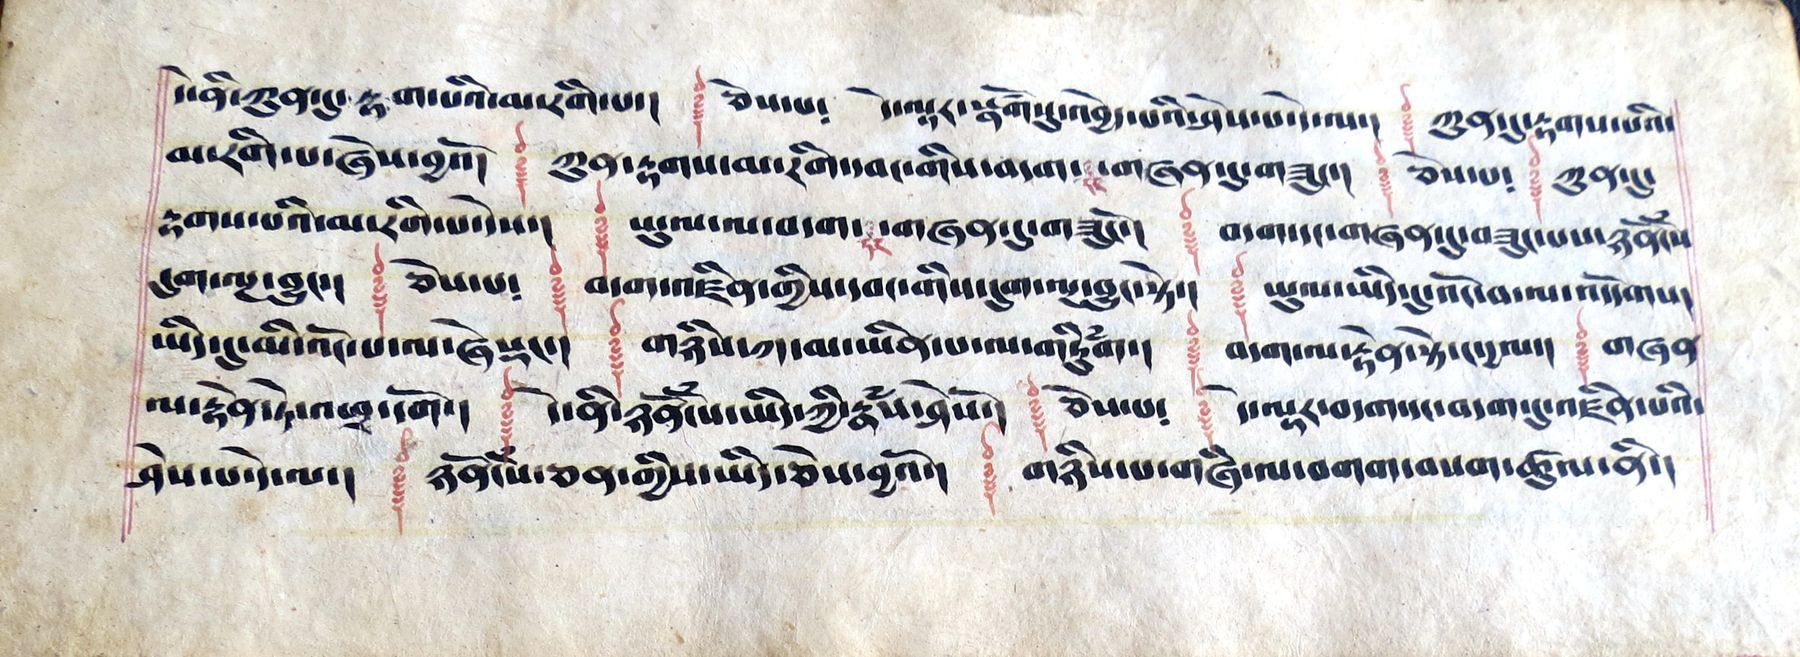དེ་ནི་ཀུན་ཏུ་བརྟག་པའི་མ་རིག་པ། །ཞེས་པས། དེ་ལྟར་སྣ་ཚོགས་སུ་འབྱེད་པའི་ཤེས་པ་དེ་ལ། ཀུན་ཏུ་བརྟག་པའི་
མ་རིག་པ་ཞེས་བྱའོ། །ཀུན་བརྟག་མ་རིག་དབང་གིས་བདག་དང་གཞན་དུ་བཟུང་། །ཞེས་པས། ཀུན་ཏུ་
བརྟག་པའི་མ་རིག་པ་དེས། ཡུལ་ལ་བདག་དང་གཞན་དུ་བཟུང་ངོ་། །བདག་དང་གཞན་དུ་བཟུང་པས་ཉོན་མོངས་
དུག་ལྔ་བྱུང་། །ཞེས་པས། བདག་འཛིན་གྱི་དབང་གིས་དུག་ལྔ་བྱུང་སྟེ། ཡུལ་ཡིད་དུ་འོང་བ་ལ་འདོད་ཆགས། 
ཡིད་དུ་མི་འོང་བ་ལ་ཞེ་སྡང་། གཉིས་ཀ་མ་ཡིན་པ་ལ་གཏི་མུག། བདག་ལ་བརྟེན་ཏེ་ང་རྒྱལ། གཞན་
ལ་བརྟེན་ཏེ་ཕྲག་དོག དེ་ནི་ཉོན་མོངས་ཡིད་ཀྱི་རྣམ་ཤེས་སོ། །ཞེས་པས། དེ་ལྟར་བདག་དང་བདག་ཏུ་འཛིན་པའི་
ཤེས་པ་དེ་ལ། ཉོན་མོངས་པ་ཅན་གྱི་ཡིད་ཅེས་བྱའོ། །གཉིས་པ་གཞི་ལ་བག་ཆགས་བསགས་ཚུལ་ནི།